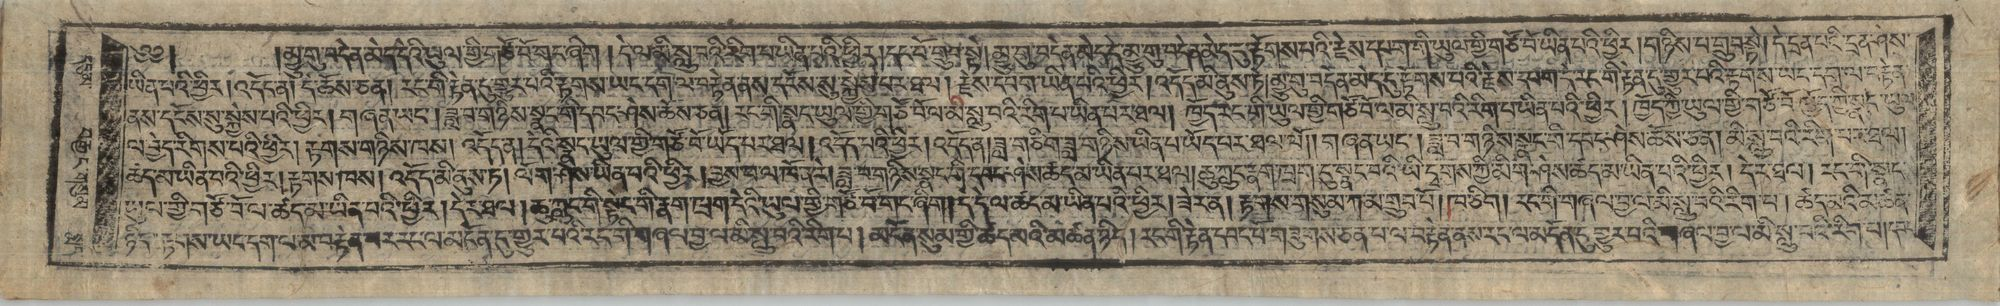༄༅། །མྱུ་གུ་བདེན་མེད་དེའི་ཡུལ་གྱི་གཙོ་བོ་གང་ཞིག །དེ་ལ་མི་སླུ་བའི་རིག་པ་ཡིན་པའི་ཕྱིར། དང་པོ་གྲུབ་སྟེ། མྱུ་གུ་བདེན་མེད་དེ་མྱུ་གུ་བདེན་མེད་དུ་རྟོགས་པའི་རྗེས་དཔག་གི་ཡུལ་གྱི་གཙོ་བོ་ཡིན་པའི་ཕྱིར། གཉིས་པ་གྲུབ་སྟེ། དེ་དྲན་པའི་དྲན་ཤེས་
ཡིན་པའི་ཕྱིར། འདོད་ན། དེ་ཆོས་ཅན། རང་གི་རྟེན་དུ་གྱུར་པའི་རྟགས་ཡང་དག་ལ་བརྟེན་ནས་དངོས་སུ་སྐྱེས་པར་ཐལ། རྗེས་དཔག་ཡིན་པའི་ཕྱིར། འདོད་མི་ནུས་ཏེ། མྱུ་གུ་བདེན་མེད་དུ་རྟོགས་པའི་རྗེས་དཔག་དེ་རང་གི་རྟེན་དུ་གྱུར་པའི་རྟགས་ཡང་དག་ལ་བརྟེན་
ནས་དངོས་སུ་སྐྱེས་པའི་ཕྱིར། གཞན་ཡང་། ཟླ་བ་གཉིས་སྣང་གི་དབང་ཤེས་ཆོས་ཅན། རང་གི་སྣང་ཡུལ་གྱི་གཙོ་བོ་ལ་མི་སླུ་བའི་རིག་པ་ཡིན་པར་ཐལ། ཁྱོད་རང་གི་ཡུལ་གྱི་གཙོ་བོ་ལ་མི་སླུ་བའི་རིག་པ་ཡིན་པའི་ཕྱིར། ཁྱོད་ཀྱི་ཡུལ་གྱི་གཙོ་བོ་ཁྱོད་ཀྱི་སྣང་ཡུལ་
ལ་བྱེད་རིགས་པའི་ཕྱིར། རྟགས་གཉིས་ཁས། འདོད་ན། དེའི་སྣང་ཡུལ་གྱི་གཙོ་བོ་ཡོད་པར་ཐལ། འདོད་པའི་ཕྱིར། འདོད་ན། ཟླ་གཅིག་ཟླ་གཉིས་ཡིན་པ་ཡོད་པར་ཐལ་ལོ། །གཞན་ཡང་། ཟླ་བ་གཉིས་སྣང་གི་དབང་ཤེས་ཆོས་ཅན། མི་སླུ་བའི་རིག་པར་ཐལ།
ཚད་མ་ཡིན་པའི་ཕྱིར། རྟགས་ཁས། འདོད་མི་ནུས་ཏེ། ལོག་ཤེས་ཡིན་པའི་ཕྱིར། བྱས་པ་ལ་ཁོ་ན་རེ། ཟླ་བ་གཉིས་སྣང་གི་དབང་ཤེས་ཚད་མ་ཡིན་པར་ཐལ། ཆུ་ཀླུང་རྣག་ཁྲག་དུ་སྣང་བའི་ཡི་དྭགས་ཀྱི་མིག་ཤེས་ཚད་མ་ཡིན་པའི་ཕྱིར། དེར་ཐལ། རང་གི་སྣང་
ཡུལ་གྱི་གཙོ་བོ་ལ་ཚད་མ་ཡིན་པའི་ཕྱིར། དེར་ཐལ། ཆུ་ཀླུང་གི་སྟེང་གི་རྣག་ཁྲག་དེའི་ཡུལ་གྱི་གཙོ་བོ་གང་ཞིག །དེ་དེ་ལ་ཚད་མ་ཡིན་པའི་ཕྱིར། ཟེར་ན། རྟགས་གསུམ་ཀ་མ་གྲུབ་བོ། ཁ་ཅིག །རང་གི་གཞལ་བྱ་ལ་མི་སླུ་བའི་རིག་པ། ཚད་མའི་མཚན་
ཉིད། རྟགས་ཡང་དག་ལ་མ་བརྟེན་པར་རང་ལ་མངོན་དུ་གྱུར་པའི་རང་གི་གཞལ་བྱ་ལ་མི་སླུ་བའི་རིག་པ། མངོན་སུམ་གྱི་ཚད་མའི་མཚན་ཉིད། རང་གི་རྟེན་དབང་པོ་གཟུགས་ཅན་པ་ལ་བརྟེན་ནས་རང་ལ་མངོན་དུ་གྱུར་པའི་གཞལ་བྱ་ལ་མི་སླུ་བའི་རིག་པ། དབང་